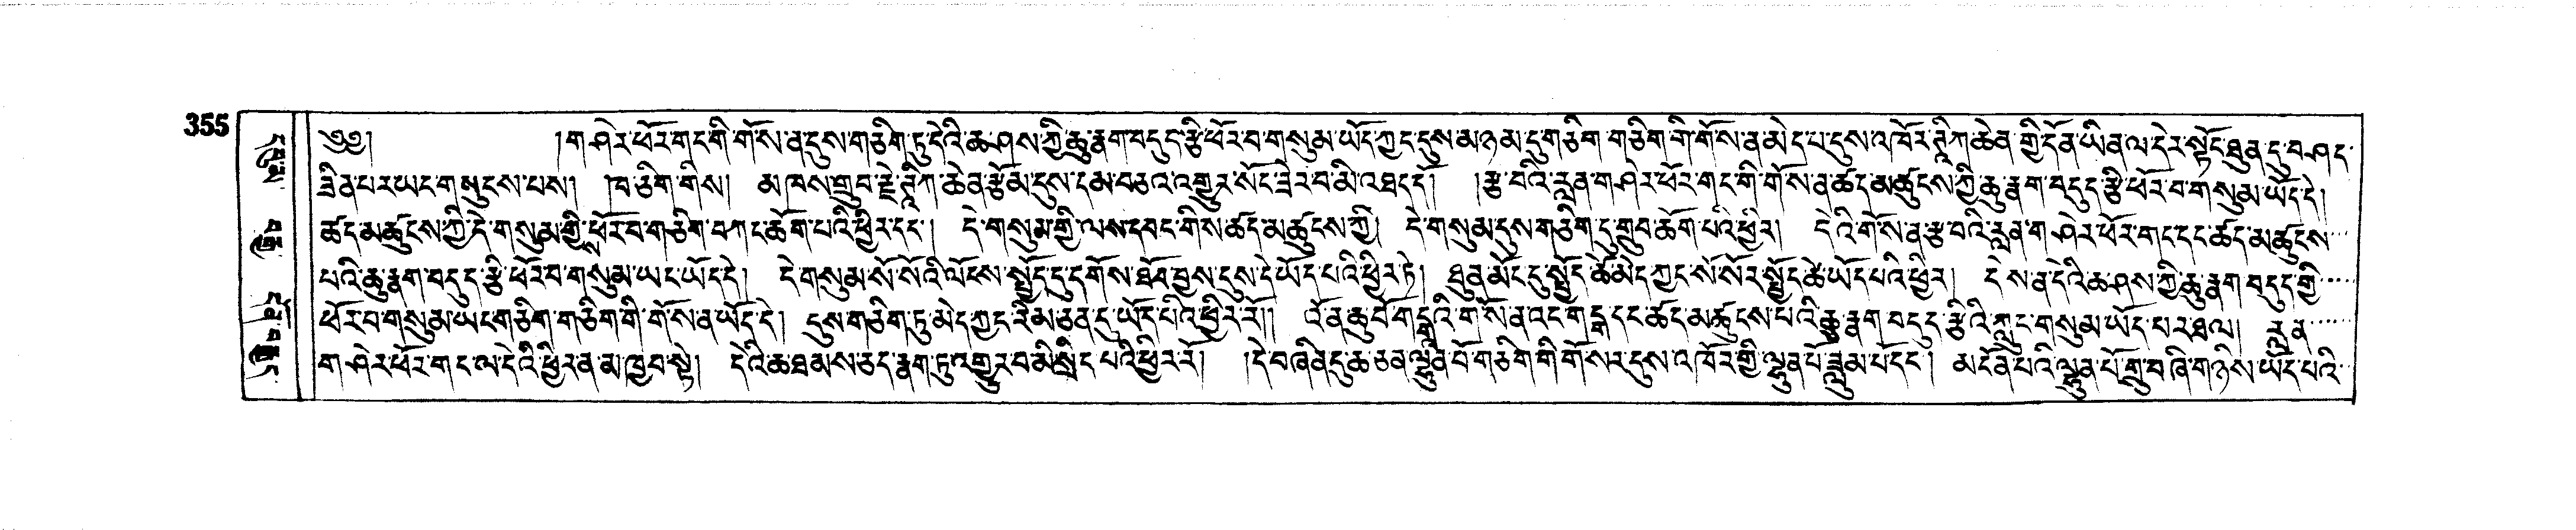༄༅། །གཤེར་ཕོར་གང་གི་གོ་ས་ན་དུས་གཅིག་ཏུ་དེའི་ཆ་ཤས་ཀྱི་ཆུ་རྣག་བདུད་རྩི་ཕོར་བ་གསུམ་ཡོད་ཀྱང་དུས་མཉམ་དུ་གཅིག་གཅིག་གི་གོ་ས་ན་མེད་པ་དུས་འཁོར་ཊཱིཀ་ཆེན་གྱི་དོན་ཡིན་ལ་དེར་སྟོང་ཐུན་དུ་བཤད་
ཟིན་པར་ཡང་གསུངས་པས། ཁ་ཅིག་གིས། མཁས་གྲུབ་རྗེ་ཊཱིཀ་ཆེན་རྩོམ་དུས་དམ་བཅའ་འགྱུར་སོང་ཟེར་བ་མི་འཐད་དོ། །རྩ་བའི་རླན་གཤེར་ཕོར་གང་གི་གོ་ས་ན་ཚད་མཚུངས་ཀྱི་ཆུ་རྣག་བདུད་རྩི་ཕོར་བ་གསུམ་ཡོད་དེ།
ཚད་མཚུངས་ཀྱི་དེ་གསུམ་གྱིས་ཕོར་བ་གཅིག་བཀང་ཆོག་པའི་ཕྱིར་དང་། དེ་གསུམ་གྱི་ལས་དབང་གིས་ཚད་མཚུངས་ཀྱི། དེ་གསུམ་དུས་གཅིག་དུ་གྲུབ་ཆོག་པའི་ཕྱིར། དེའི་གོ་ས་ན་རྩ་བའི་རླན་གཤེར་ཕོར་གང་དང་ཚད་མཚུངས་
པའི་ཆུ་རྣག་བདུད་རྩི་ཕོར་བ་གསུམ་ཡང་ཡོད་དེ། དེ་གསུམ་སོ་སོའི་ལོངས་སྤྱོད་དུ་དགོས་ཐོབ་བྱས་དུས་དེ་ཡོད་པའི་ཕྱིར་ཏེ། ཐུན་མོང་དུ་སྤྱོད་ཚེ་མེད་ཀྱང་སོ་སོར་སྤྱོད་ཚེ་ཡོད་པའི་ཕྱིར། དེས་ན་དེའི་ཆ་ཤས་ཀྱི་ཆུ་རྣག་བདུད་གྱི་
ཕོར་བ་གསུམ་ཡང་གཅིག་གཅིག་གི་གོ་ས་ན་ཡོད་དེ། དུས་གཅིག་ཏུ་མེད་ཀྱང་རིམ་ཅན་དུ་ཡོད་པའི་ཕྱིར་རོ། །འོ་ན་ཆུ་བོ་གངྒའི་གོ་ས་ནའང་གངྒ་དང་ཚད་མཚུངས་པའི་ཆུ་རྣག་བདུད་རྩིའི་ཀླུང་གསུམ་ཡོད་པར་ཐལ། རླན་
གཤེར་ཕོར་གང་ལ་དེའི་ཕྱིར་ན་མ་ཁྱབ་སྟེ། དེའི་ཆ་ཐམས་ཅད་རྣག་ཏུ་འགྱུར་བ་མི་སྲིད་པའི་ཕྱིར་རོ། །དེ་བཞིན་དུ་ཆ་ཅན་ལྷུན་པོ་གཅིག་གི་གོ་སར་དུས་འཁོར་གྱི་ལྷུན་པོ་ཟླུམ་པོ་དང་། མངོན་པའི་ལྷུན་པོ་གྲུ་བཞི་གཉིས་ཡོད་པའི་